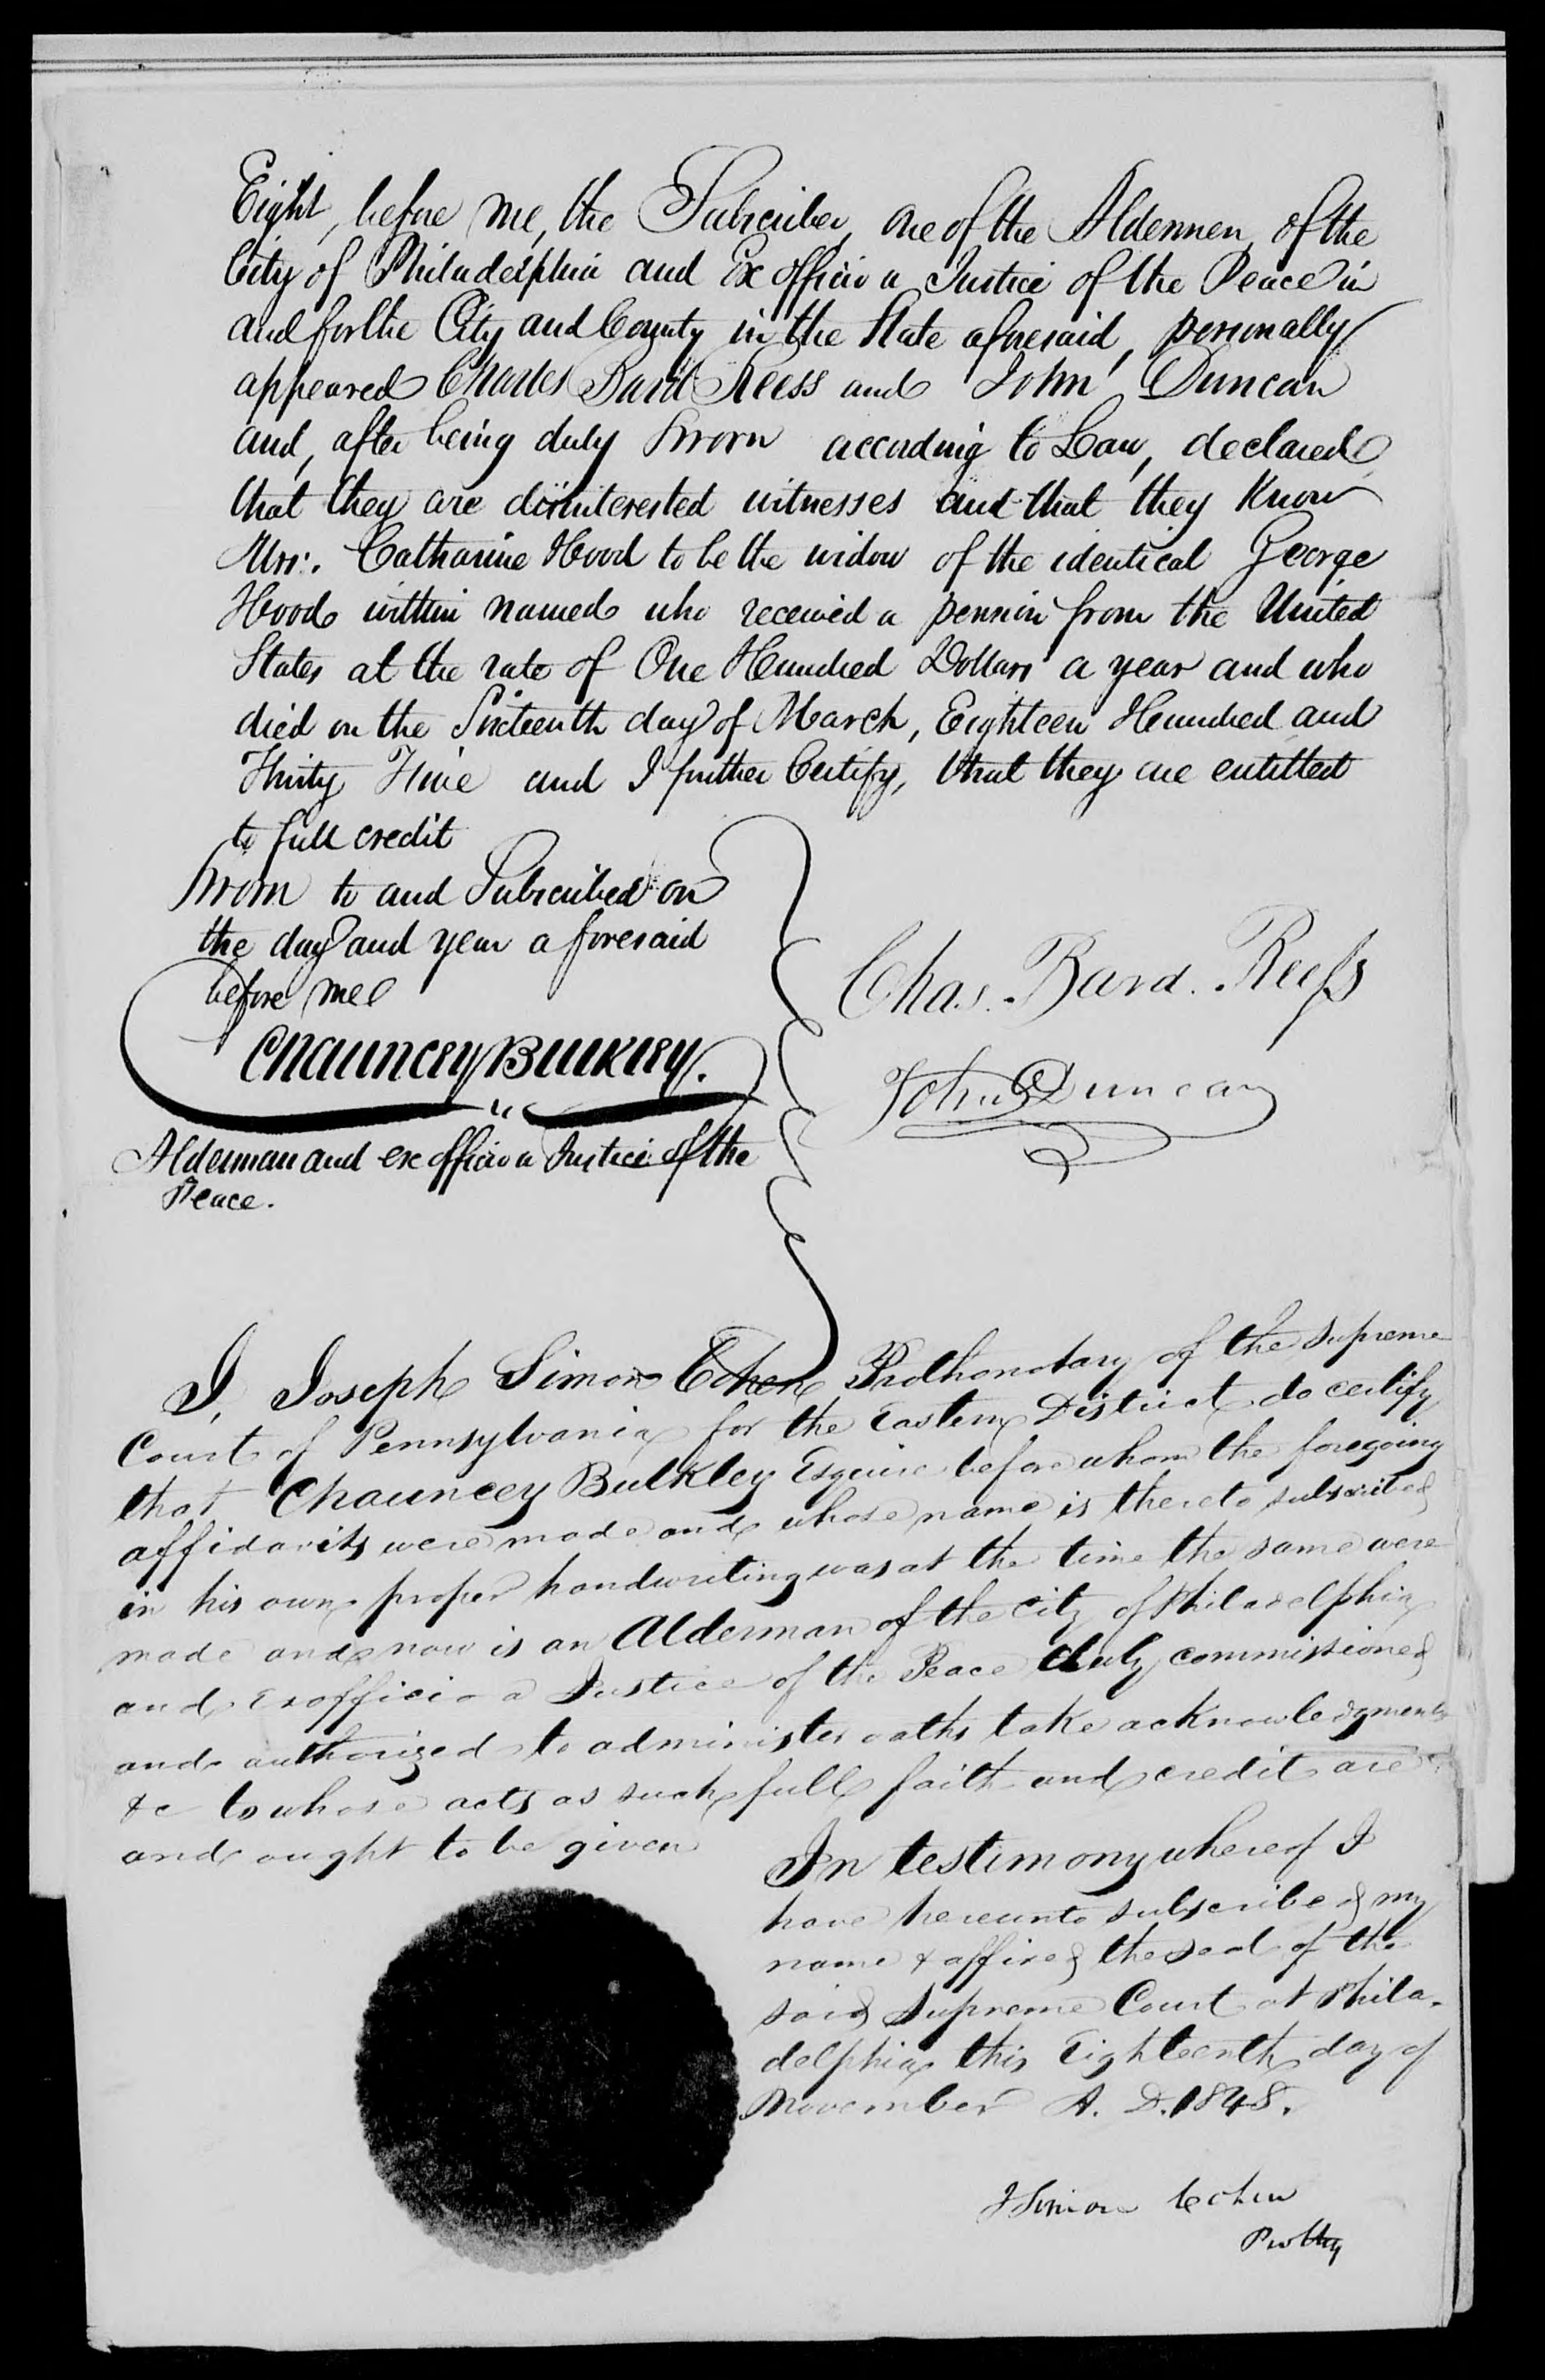Eight, before me, the subscriber, one of the Aldermen of the City of Philadelphia and ex officio a Justice of the Peace in and for the City and County in the Srate aforesaid, personally appeared Charles Bard Reess and John Duncan and, after being duly sworn according to law, declared that they are disinterested witnesses and that they know Mrs. Catharine Hood to be the widow of the identical George Hood within named who received a pension from the United States at the rate of one hundred dollars a year and who died on the sixteenth day of March, eighteen hundred and thirty five and I further certify that they are entitled to full credit.

Sworn to and subscribed on the day and year aforesaid before me.
Chauncey Buckey					Charles Bard Reess 
Alderman and ex officio a Justice of the Peace		John Duncan  

I, Joseph Simon Cohen, Prothonotary of the Supreme Couty of Pennsylvania for the Eastern District, do certify that Chauncey Buckey, Esquire, before whom the foregoing affidavits were made and whose name is thereto subscribed, is his own proper handwriting, was at the time the same were made and now is an Alderman of the City of Philadelphia and ex officio a Justice of the Peace duly commissioned and authorized to administer oaths to take acknowledgements and to whose acts as such full faith and credit and ought to be given.
In testimony whereof, I have hereunto subscribed my name and affixed the seal of the said Supreme Couty at Philadelphia, this eighteenth day of November A.D. 1848.
J. Simon Cohen, Prothonotary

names: Chauncey Bulkley, John Duncan, Catharine Hood, Chauncey Bulkley, Charles Bard Reess, J Simon Cohen, Joseph Simon Cohen, John Duncan, Chas Bard Reess, George Hood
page: 34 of 51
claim: widow's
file: W 8939, George Hood, Continental Va.